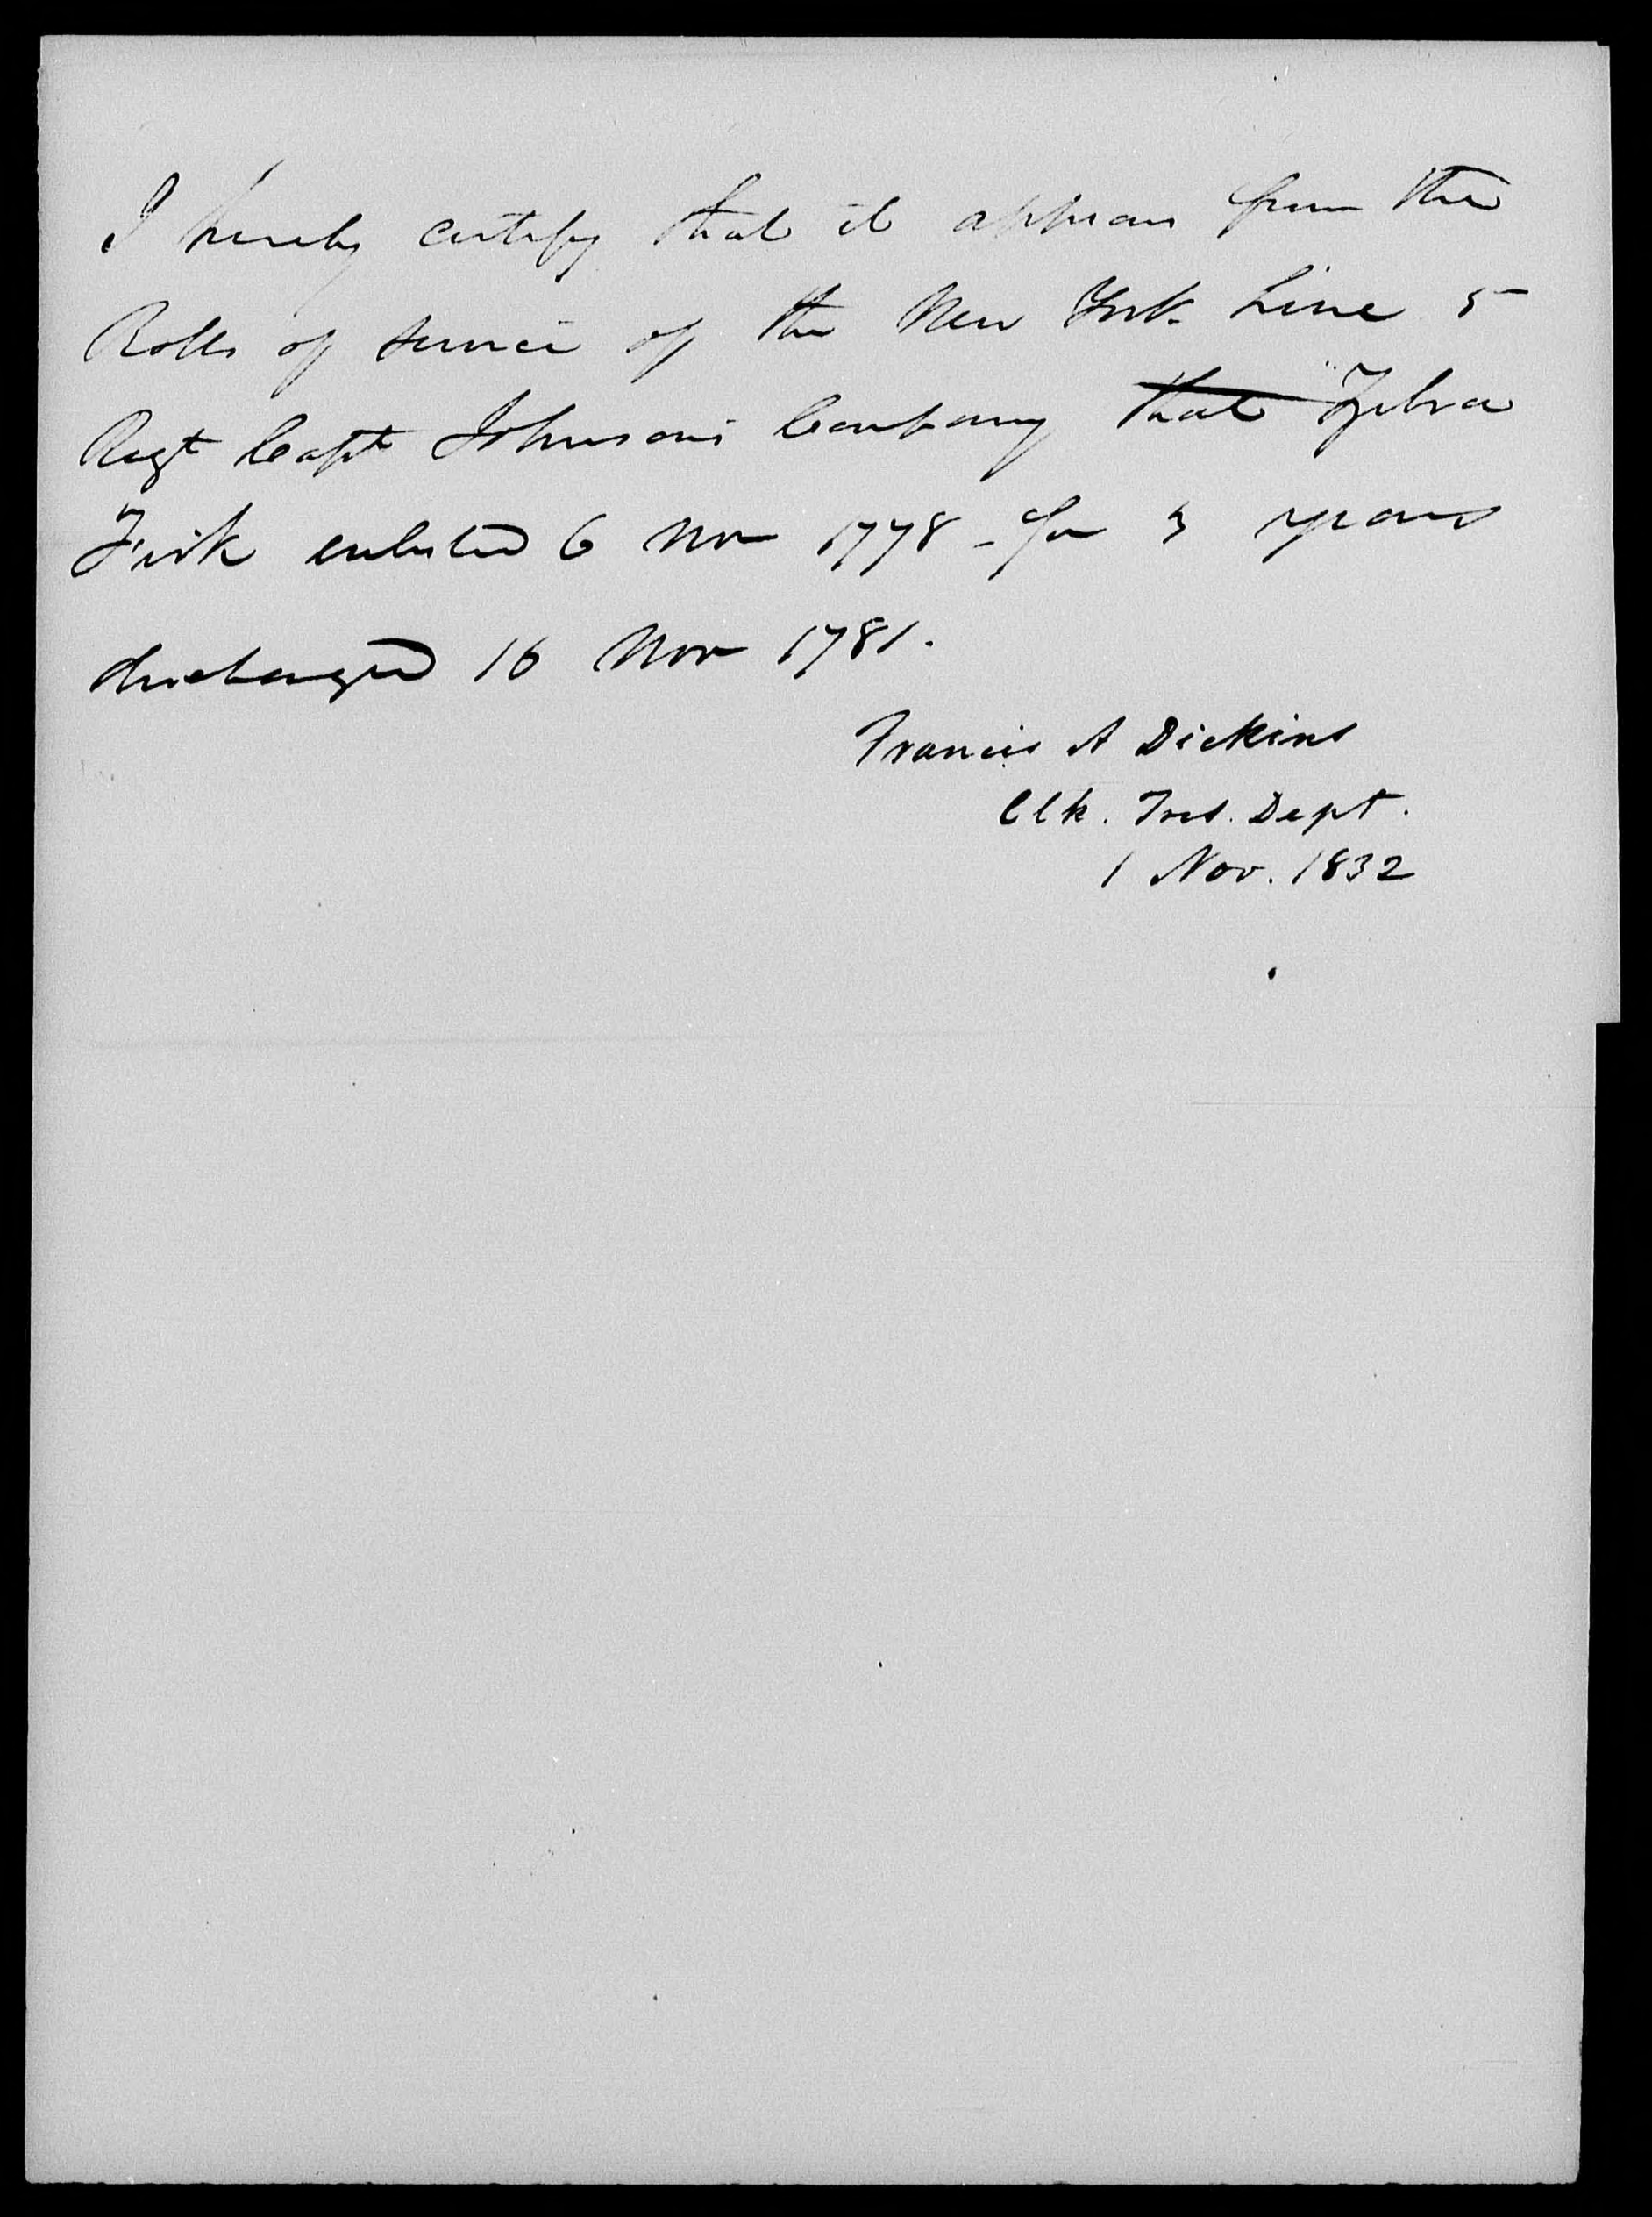[Handwritten document]

I hereby certify that it appears from the Rolls of Service of the New York. Line [squiggle, possibly the number:] 5 Regt Capt Johnsons Company that Zebra Fisk enlisted 6 Nov 1778 _ for 3 years discharged 16 Nov 1781.  

Francis A Dickins
Clk. [?} Tres. Dept.
1 Nov. 1832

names: A Dickins, Zebra Fish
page: 12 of 26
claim: survivor's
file: S. 29797, Seberry Fish, New York